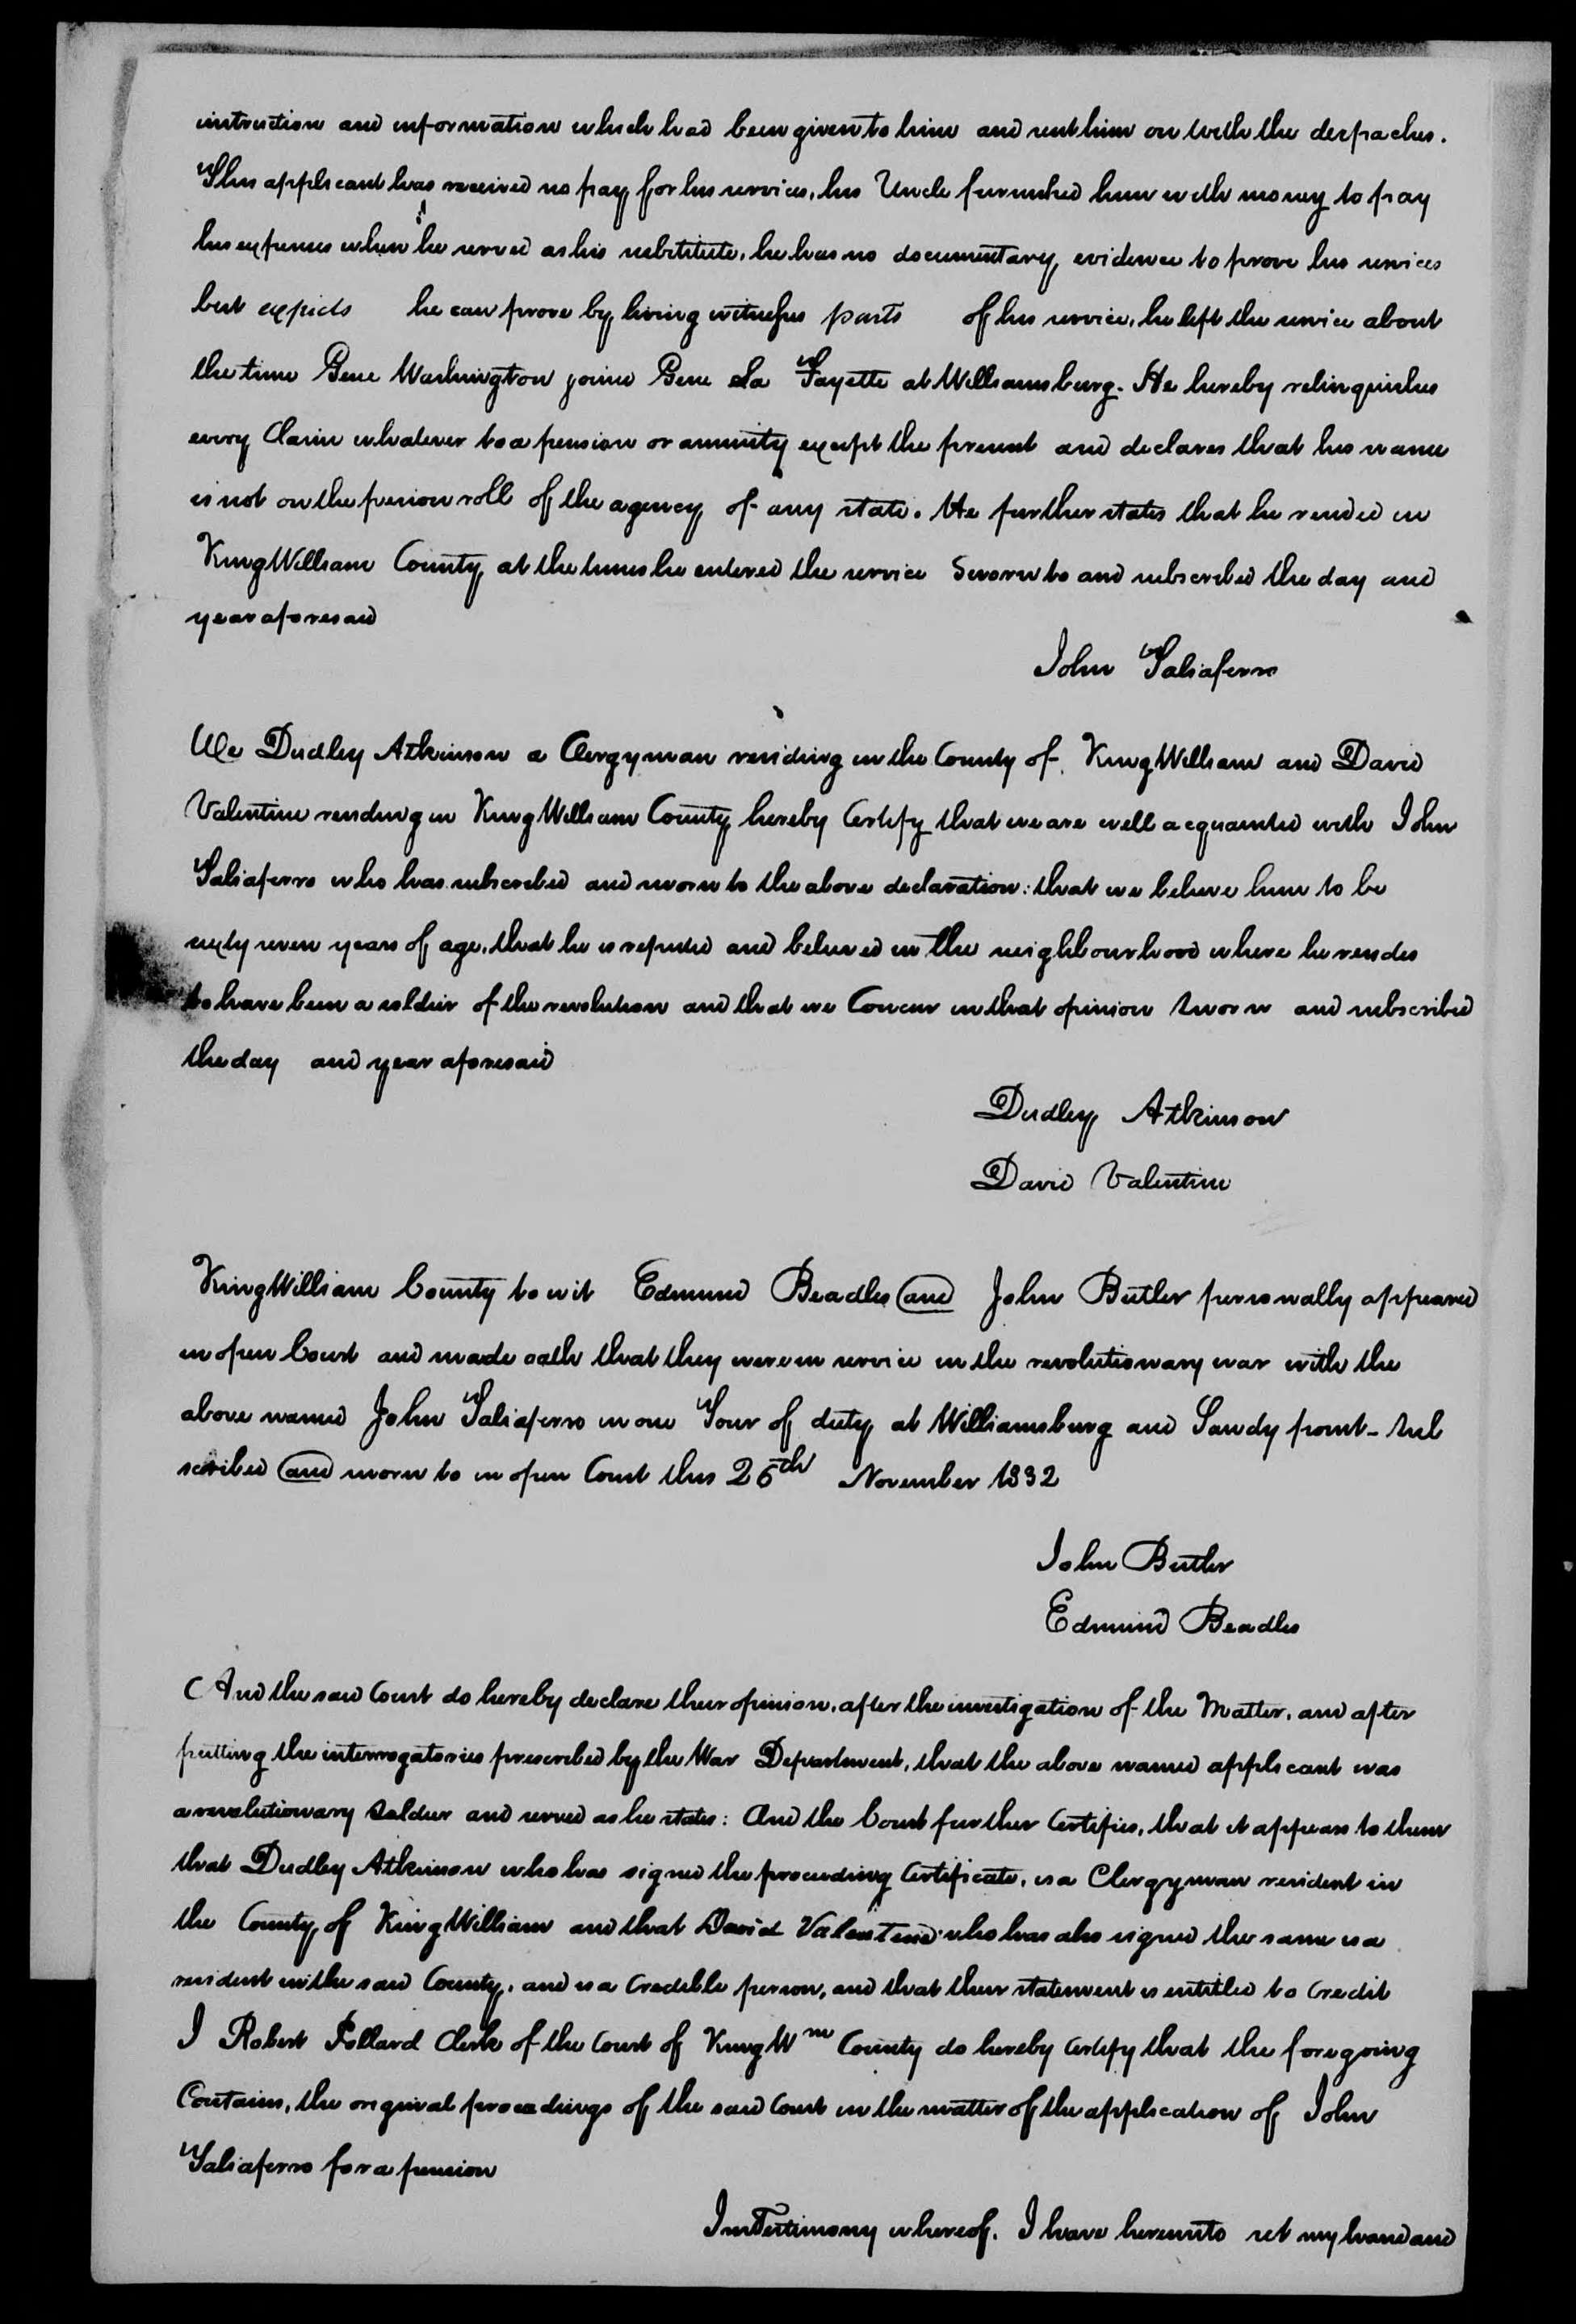instructions and information which had been given to him and sent him on with the despatches. This applicant has received no pay for his services, his Uncle furnished him with money to pay his expenses when he served as his substitute, he has no documentary evidence to prove his services but expects he can prove by living witnesses parts of his service. he left the service about the time Gen Washington joined Gen La Fayette at Williamsburg. He hereby relinquishes every claim whatever to a pension or annuity except the present and declares that his name is not on the pension roll of the agency of any state. He further states that he resided in King William County at the time he entered the service. Sworn to and subscribed the day and year aforesaid. 

John Taliaferro

We Dudley Atkinson a Clergyman residing in the County of King William and Davis Valentine residing in King William County hereby certify that we are well acquainted with John Taliaferro who has subscribed and sworn to the above declaration: that we believe him to be sixty seven years of age, that he is reputed and believed in the neighbourhood where he resides to have been a soldier of the revolution and that we Concur in that opinion sworn and subscribed the day and year aforesaid. 

Dudley Atkinson
David Valentine

King William County to wit Edmund Beadles and John Butler personally appeared in open Court and made oath that they were in service in the revolutionary war with the above named John Taliaferro in one Tour of duty at Williamsburg and Sandy Point. Subscribed and sworn to in open Court this 26th November 1832. 

John Butler
Edmund Beadles

And the said court do hereby declare their opinion, after the investigation of the Matter, and after putting the interrogatories prescribed by the War Department, that the above named applicant was a revolutionary soldier and served as he states: And the Court further certifies, that is appears to them that Dudley Atkinson who has signed the preceding certificate, is a Clergyman resident in the County of King William and that David Valentine who has also signed the same is a resident in the said County, and is a credible person, and that their statement is entitled to credit. 

I Robert Pollard Clerk of the court of King Wm County do hereby certify that the foregoing contains, the original proceedings of the said court in the matter of the application of John Taliaferro for a pension. 

In testimony whereof, I have hereunto set my hand and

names: Robert Pollard; David Valentine; Dudley Atkinson; David Valentine; John Taliaferro; David Valentine; John Taliaferro; Dudley Atkinson; John Taliaferro; [BLANK] Washington; John Taliaferro; [BLANK] La Fayette; Edmund Beadles; Edmund Beadles; Dudley Atkinson; John Butler; John Butler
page: 10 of 34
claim: survivor's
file: S. 19483, for John Taliaferro, Virginia